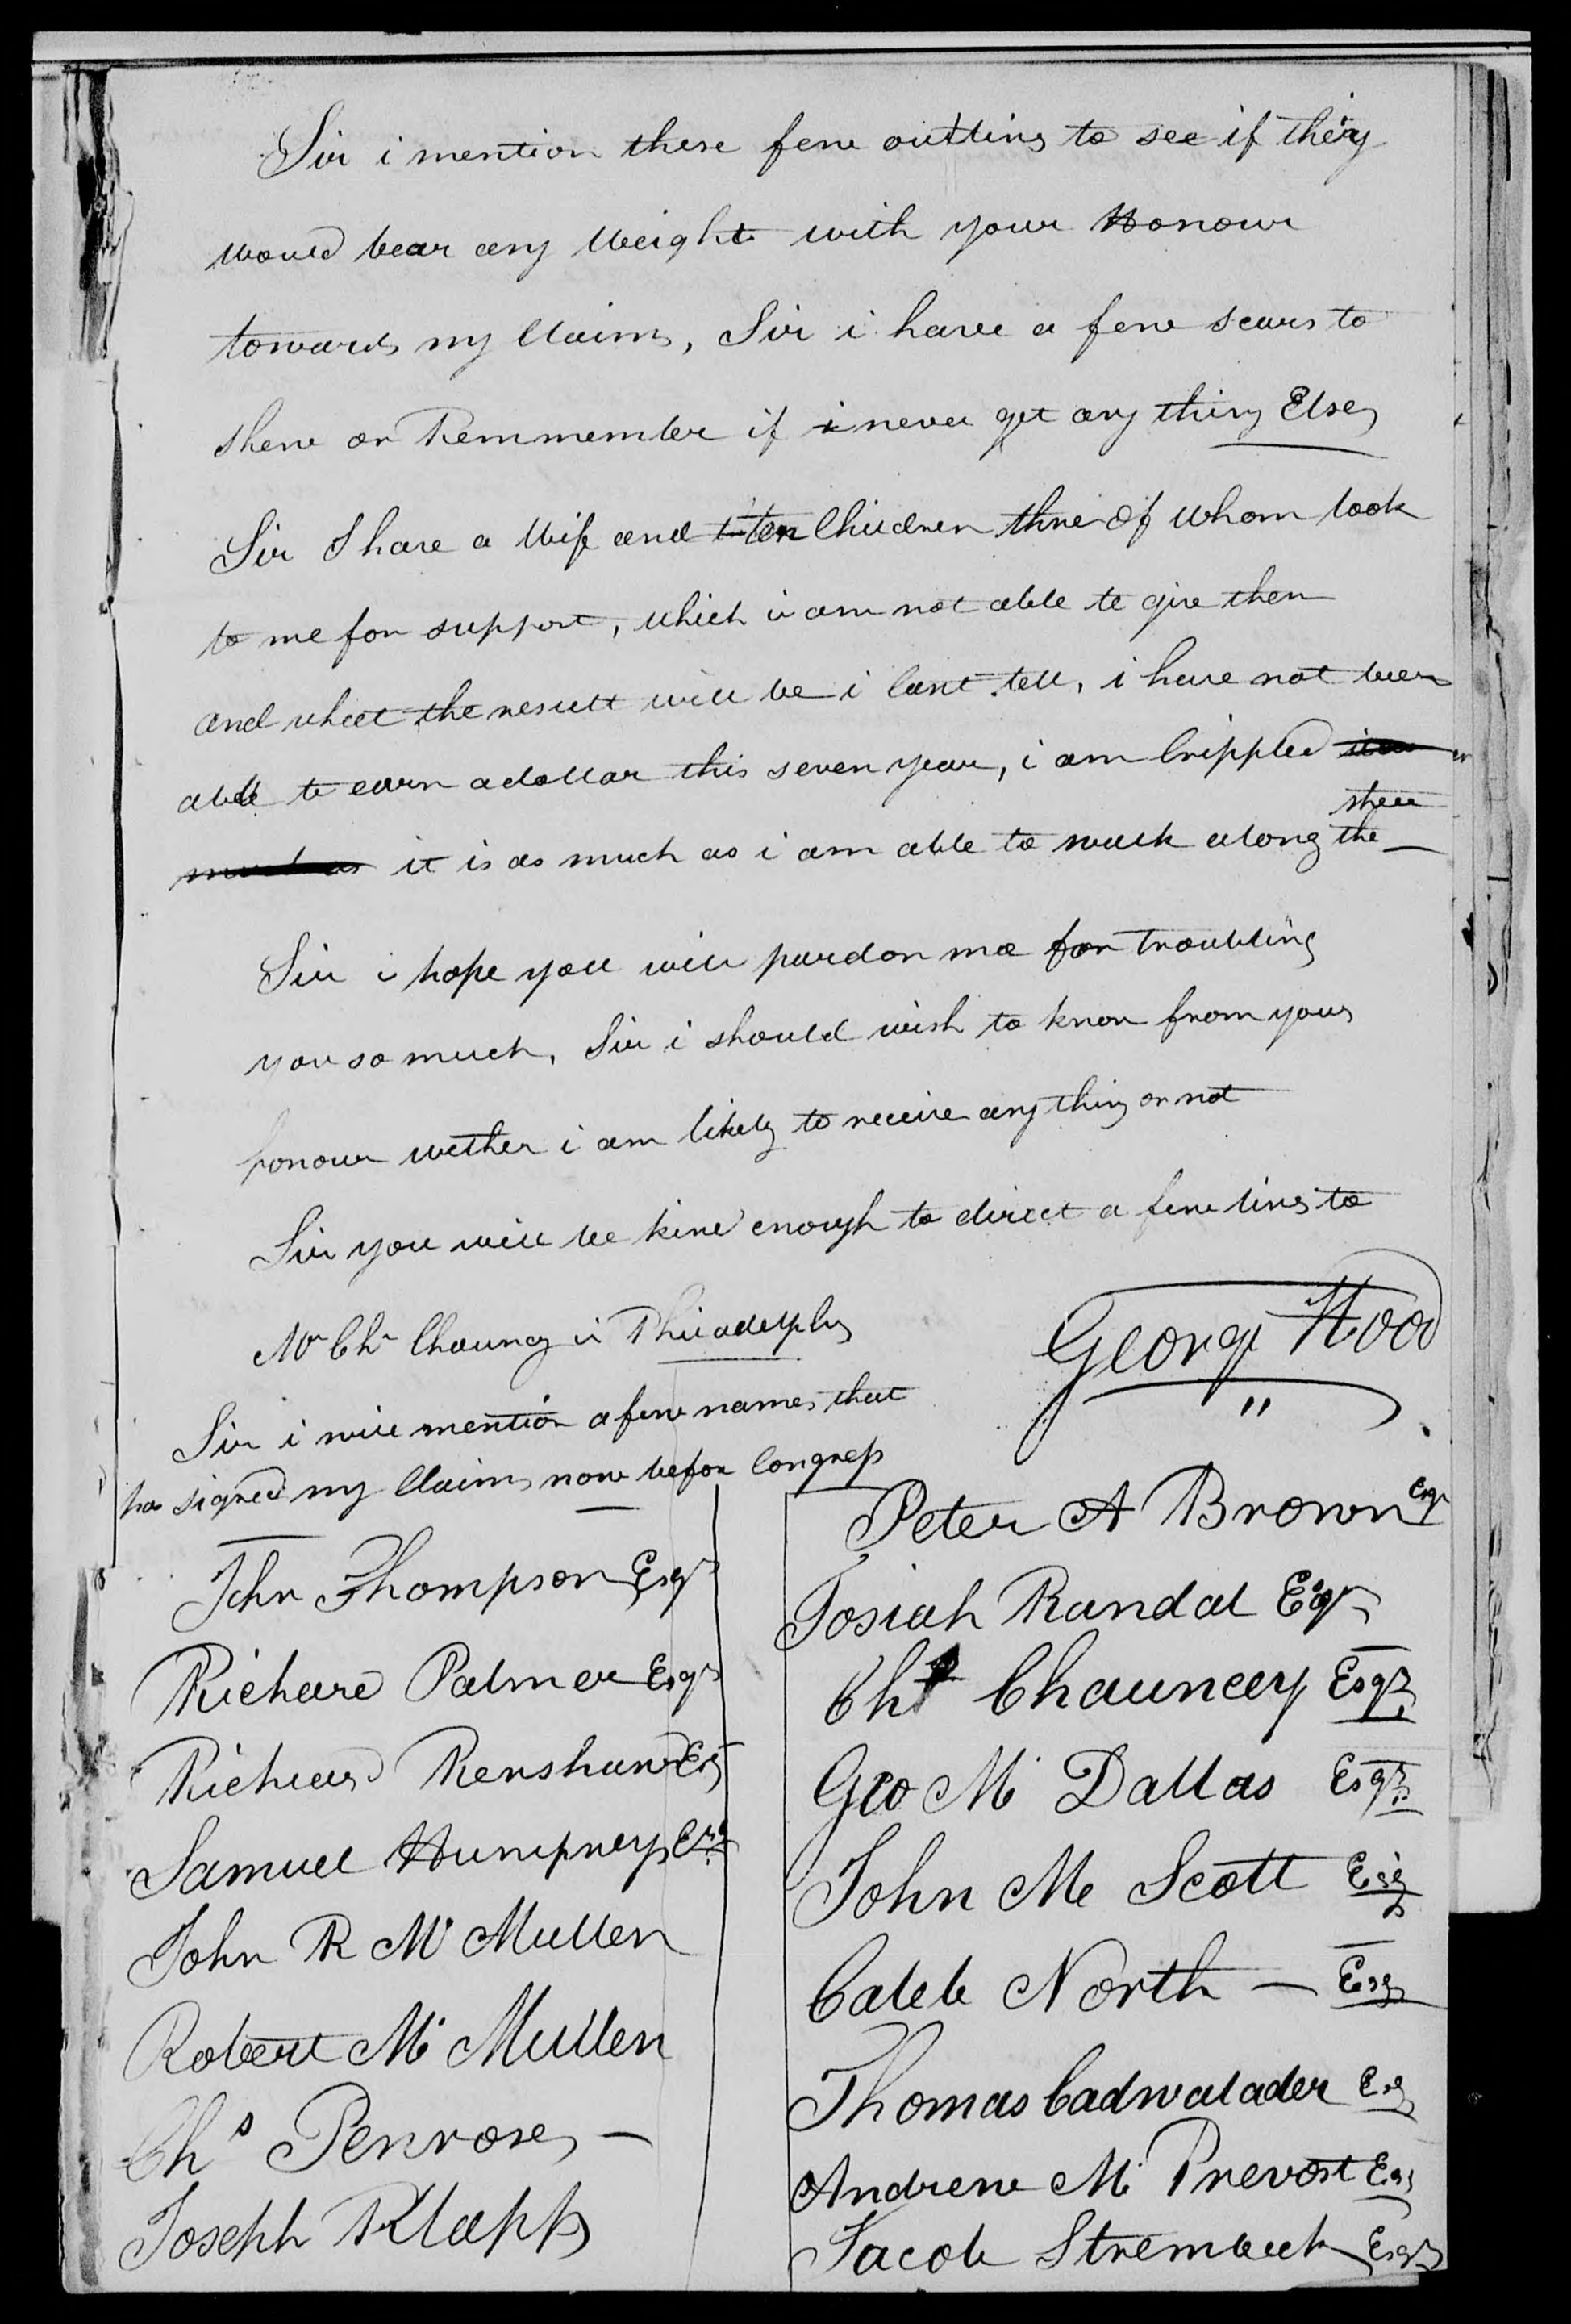Sir, 

I mention these fine outing to see if they would bear any weight with your honor towards my claims. Sir, I have a fine [Illegible] or remember if I never get anything else. I sir, I have a wife and ten children, three of whom look to me for support, which I am not able to give them and what the result will be I cannot tell. I have not been able to earn a dollar this seven years, I am crippled. [Illegible].
Sir, I hope you will pardon me for troubling you so much. Sir, I should wish to know from you honor whether I am likely to receive anything or not. Sir, you will be kind enough to direct a [Illegible] in Philadelphia. 

George Hood

[P.S.:] Sir, I will mention a few names have signed my claim now before Congress

John Thompson, Esq.		Peter A. Bronn, Esq.
Richard Palmer, Esq. 		Josiah Randal, Esq.
Richard Renshaw		Geo M. Dallas, Esq.
John R. McCullen		John M. Scott, Esq.
Robert McCullen		Caleb North, Esq.
[Illegible]			Thomas Cadwalader, Esq.
Joseph Ralph			Andrew M. Prevost, Esq.
				Jacob Strembeck, Esq.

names: Peter A Brown, Chs Penrose, Caleb North, Chr Chauncy, Robert Mc Mullen, Richeard Renshaw, George Hood, Geo M Dallas, Joseph Kleept, Thomas Cadwalader, Josiah Randal, Cht Chauncey, Richard Palmer, Samuel Humprey, Jacob Strembeck, John R Mc Mullen, John Thompson, Andrew M Prevost, John M Scott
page: 44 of 51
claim: widow's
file: W 8939, George Hood, Continental Va.